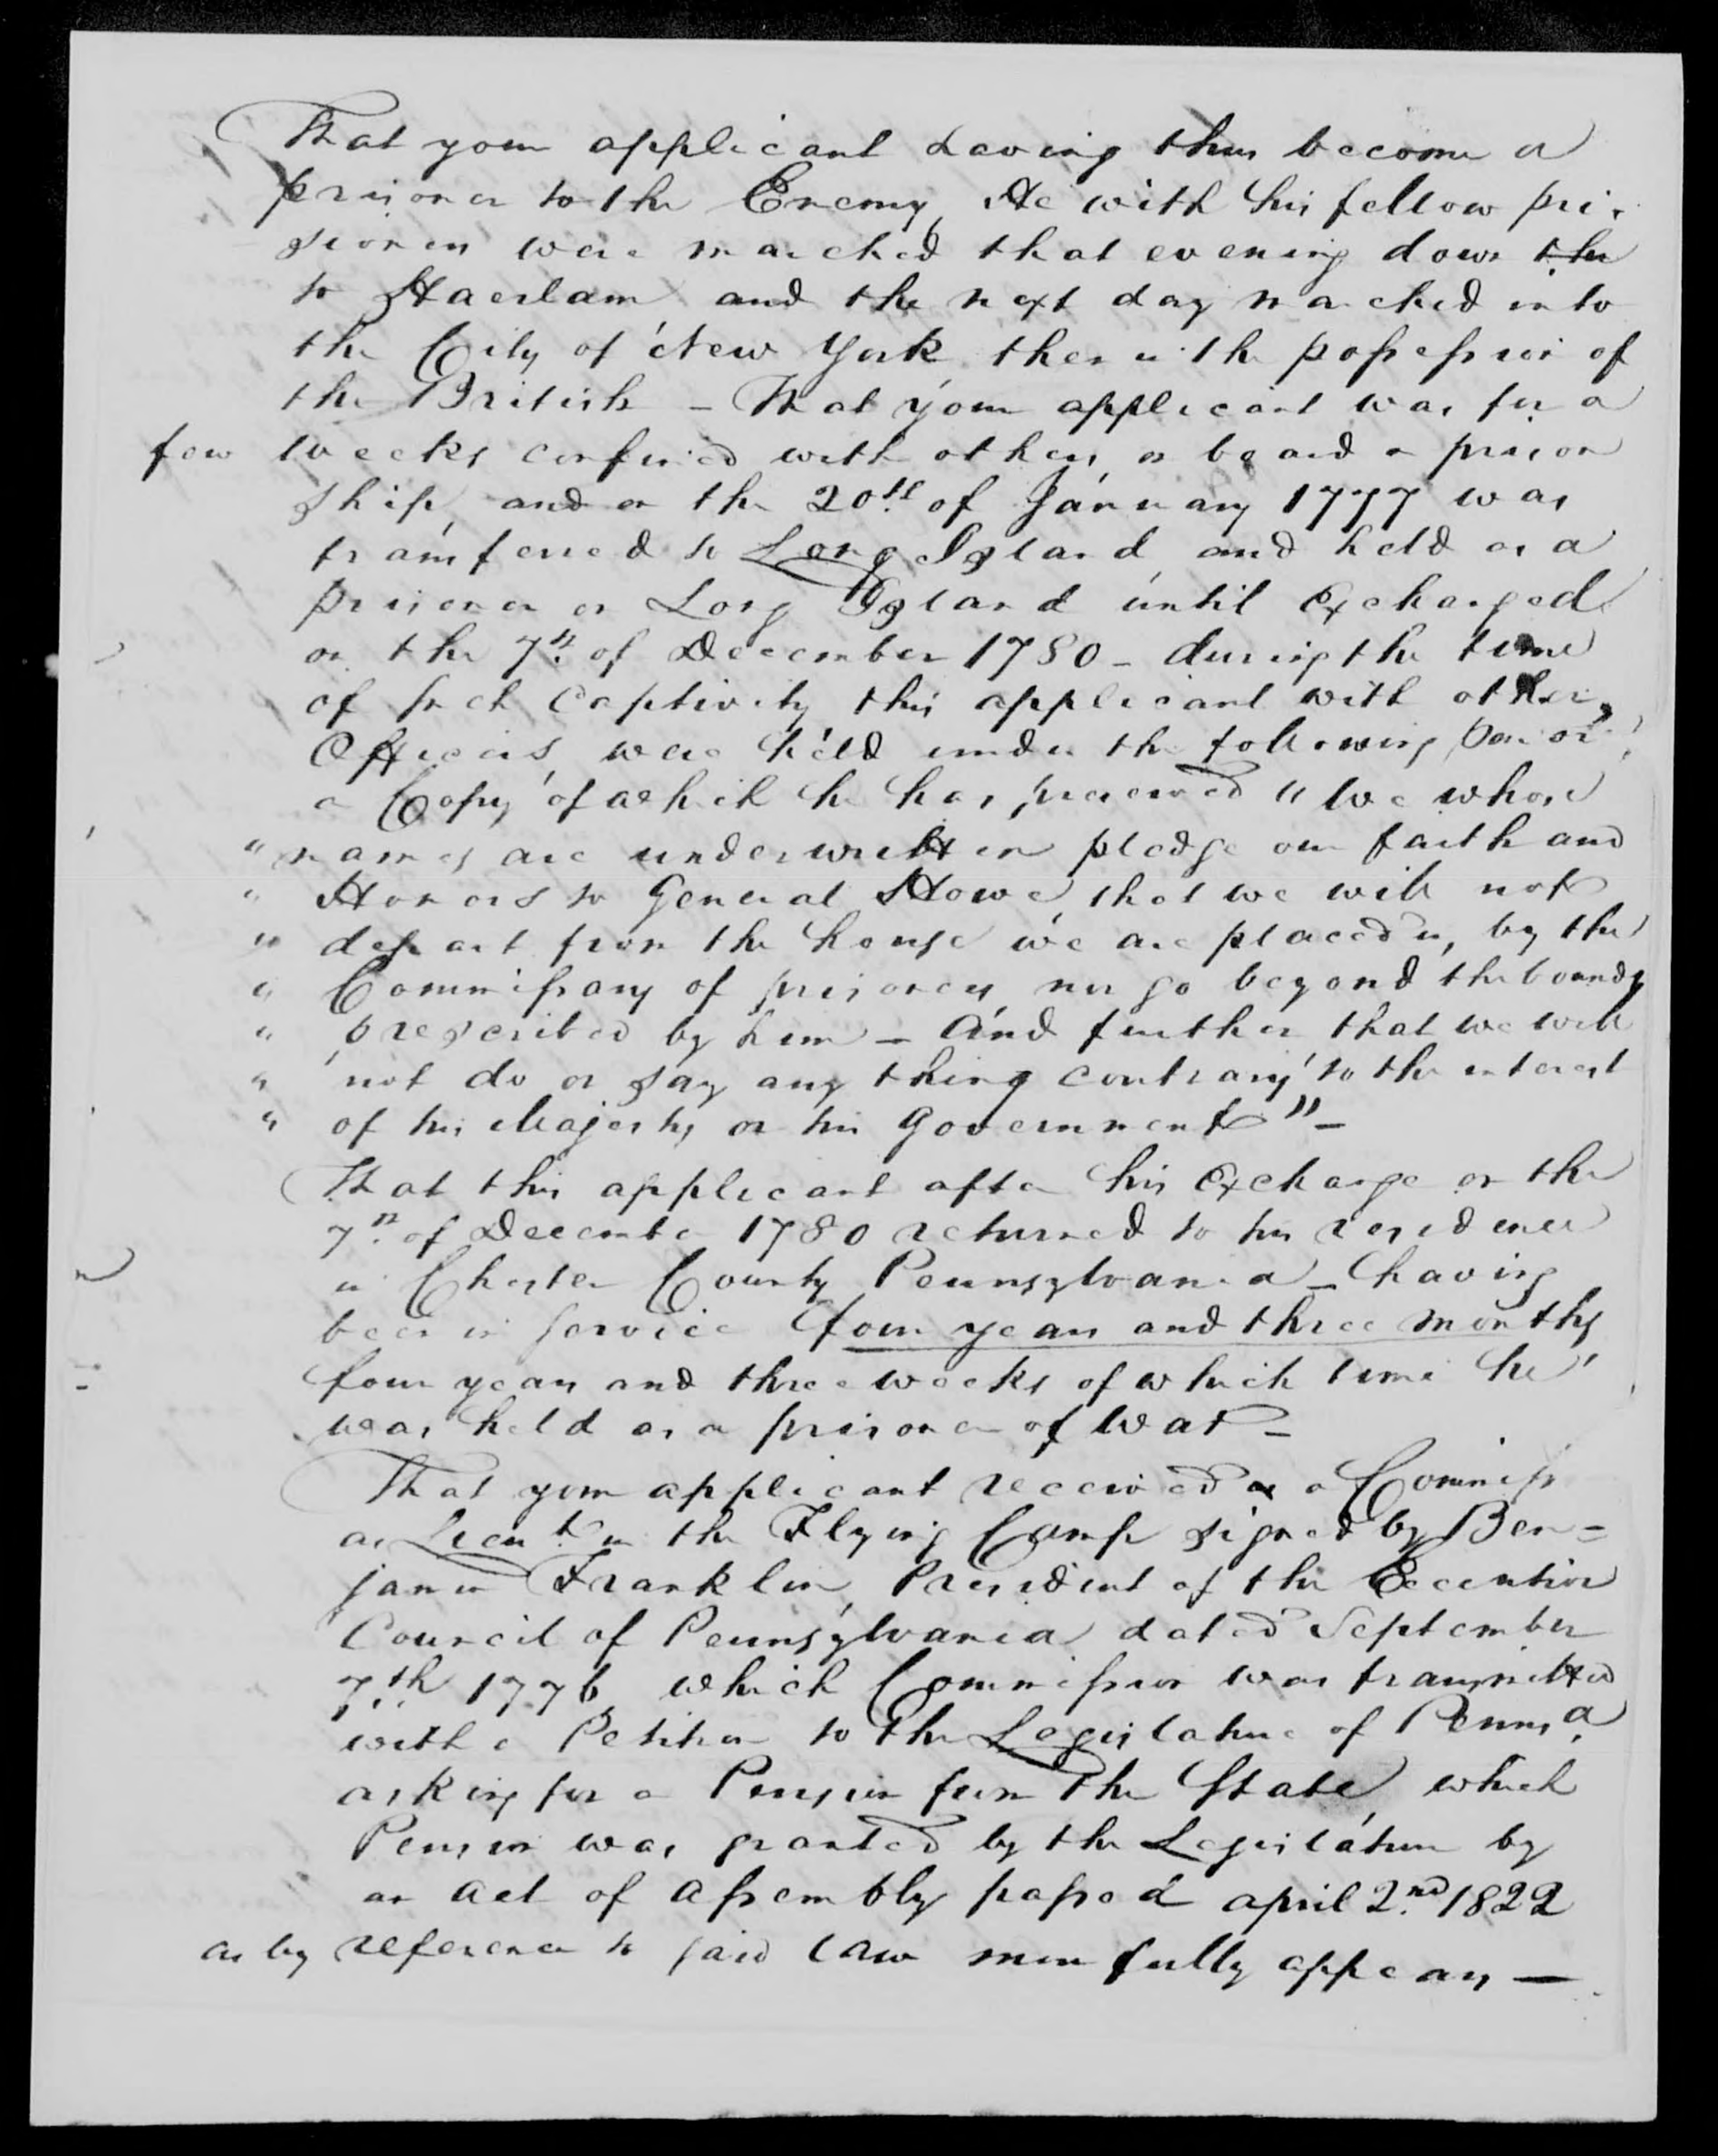that your applicant having thus become a
prisoner to the Enemy. He with his fellow prisioners were marched that evening down
to Haerlam and the next day marched into
the City of New York then in the possession of
the British - That your applicant was for a few
weeks confined with others on board a prison
ship and on the 20th of January 1777 was
transferred to Long Island and held as a
prisoner on Long Island until exchanged
on the 7th of December 1780- during the time
of such captivity this applicant with other
Officers were held under the following honor
a Copy of which he has received "we whose
names are underwritten pledge our faith and
Honors to General Howe that we will not
depart from the house we are placed in by the
Commissary of prisoners, nor go beyond the boundary prescribed by him. And further that we will not do or say any thing contrary to the interest
of his majesty on his Government"
that this applicant after his exchange on the
7th of December 1780 returned to his residence
Chester County Pennsylvania having been
in service four years and three months
four years and three weeks of which time he
was held as a prisoner of war.
that your applicant received a Commiss. as Lieut. in the Flying Camp signed by Benjamin Franklin President of the Executive Council of Pennsylvania dated September 7th 1776, which Commission was transmitted
with a Petition to the Legislature of Pennsa. asking for a Pension from the State which
Pension was granted by the Legislation by
or act of Assembly passed April 2nd 1822
as by reference to said law men fully appears -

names: Howe, Benjamin Franklin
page: 7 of 57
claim: survivor's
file: S. 2161, Hezekiah Davies, Penn